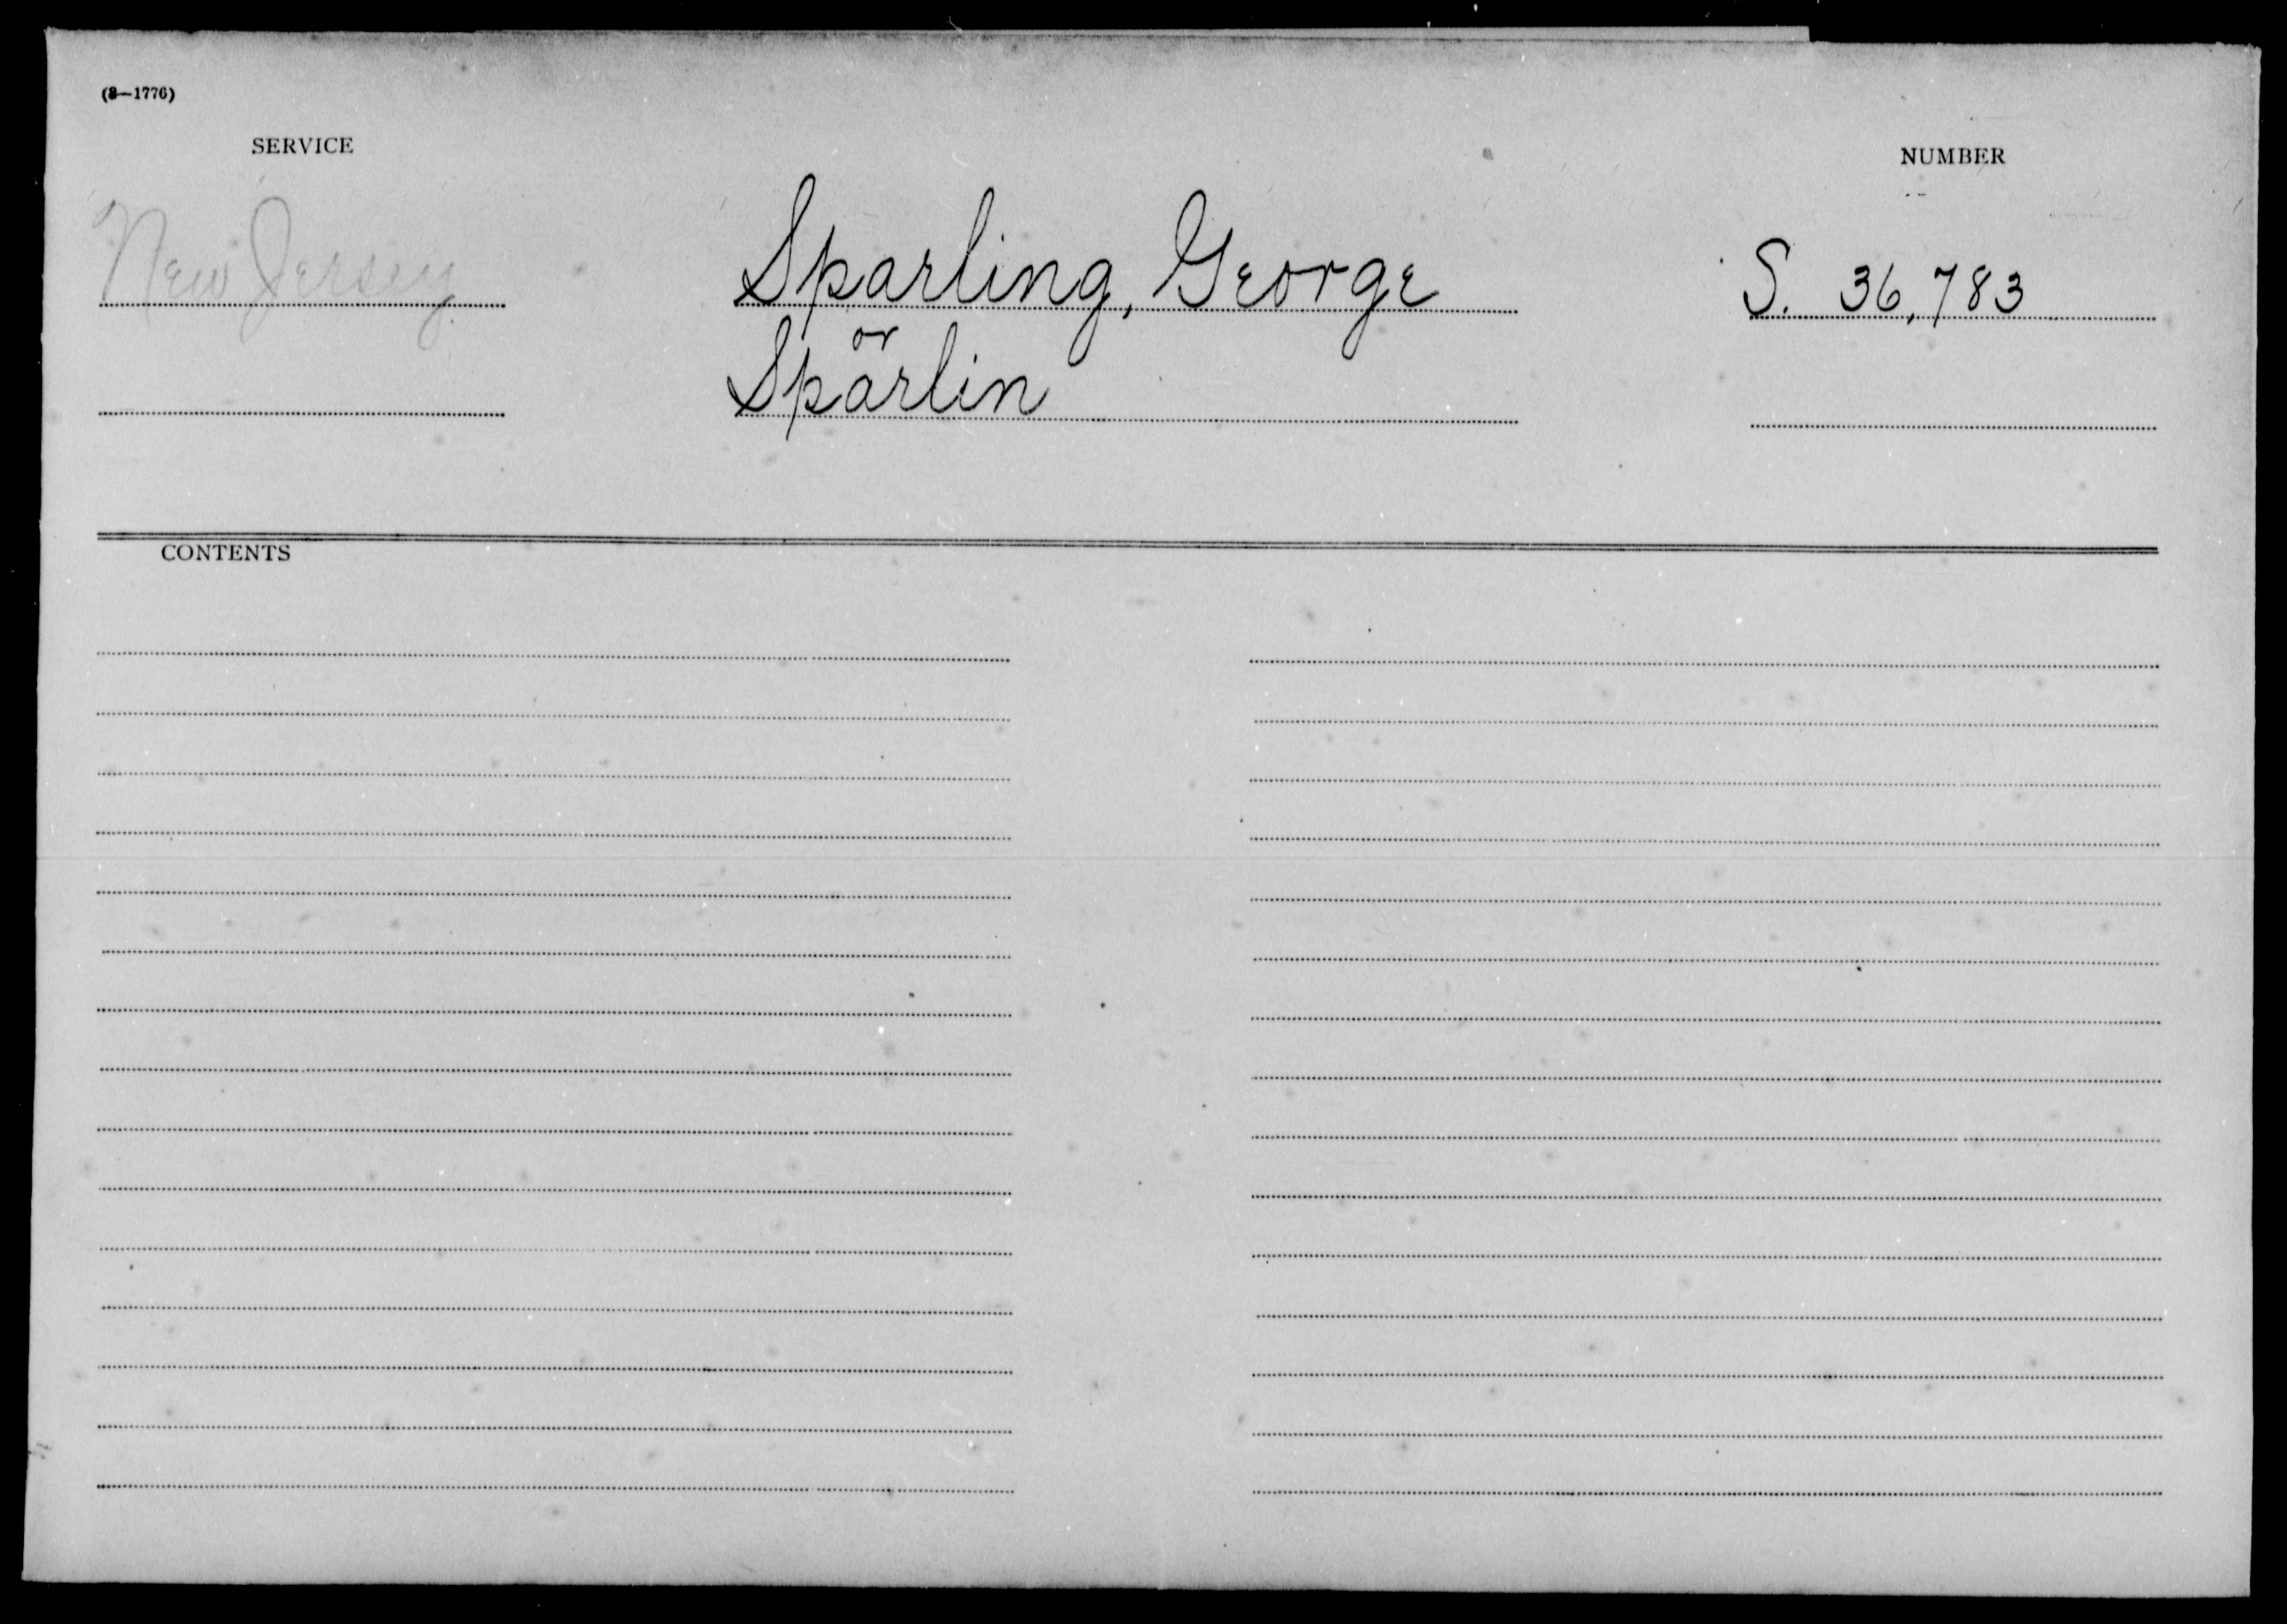Service
New Jersey

Number S.36783
Sparling George
or Sparlin

Contents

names: George Sparlin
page: 1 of 20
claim: survivor's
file: S. 36,783, for George Sparling, New Jersey